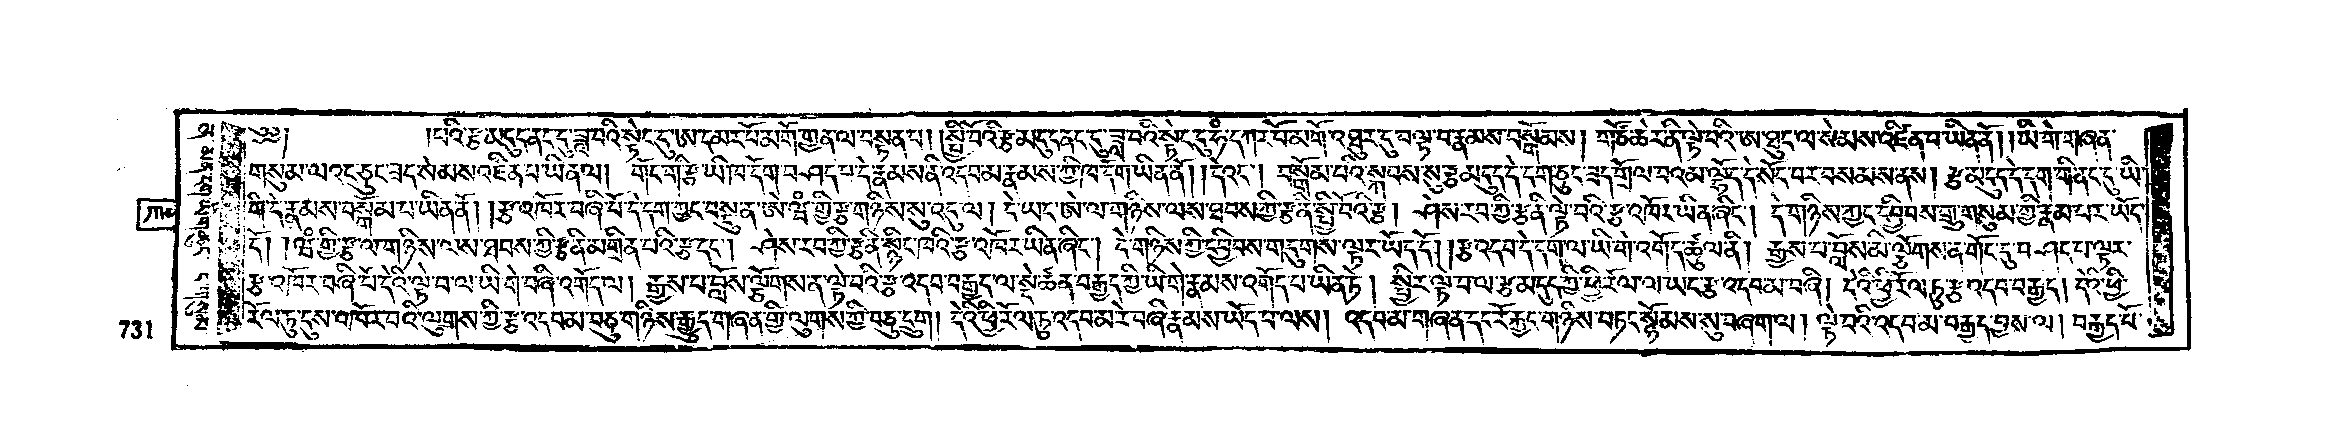༄༅། །པའི་རྩ་མདུད་ནང་དུ་ཟླ་བའི་སྟེང་དུ་ཨོཾ་དམར་པོ་མགོ་གྱེན་ལ་བསྟན་པ། སྤྱི་བོའི་རྩ་མདུད་ནང་དུ་ཟླ་བའི་སྟེང་དུ་ཧཾ་དཀར་པོ་མགོ་འཐུར་དུ་བལྟ་བ་རྣམས་བསྒོམས། གཙོ་ཆེར་ནི་ལྟེ་བའི་ཨ་ཐུང་ལ་སེམས་འཛིན་པ་ཡིན་ནོ། །ཡི་གེ་གཞན་
གསུམ་ལའང་ཅུང་ཟད་སེམས་འཛིན་པ་ཡིན་ལ། གོང་གི་རྩ་ཡི་ཁ་དོག་བཤད་པ་དེ་རྣམས་ནི་འདབ་མ་རྣམས་ཀྱི་ཁ་དོག་ཡིན་ནོ། །དེའང་། བསྒོམ་པའི་སྐབས་སུ་རྩ་མདུད་དེ་དག་ཅུང་ཟད་གྲོལ་བའམ་ལྷོད་དེ་སོང་བར་བསམས་ནས། རྩ་མདུད་དེ་དག་གི་ནང་དུ་ཡི་
གེ་དེ་རྣམས་བསྒོམ་པ་ཡིན་ནོ། །རྩ་འཁོར་བཞི་པོ་དེ་དག་ཀྱང་བསྡུ་ན་ཨེ་ཝཾ་གྱི་རྩ་གཉིས་སུ་འདུ་ལ། དེ་ཡང་ཨེ་ལ་གཉིས་ལས་ཐབས་ཀྱི་རྩ་ནི་སྤྱི་བོའི་རྩ། ཤེས་རབ་ཀྱི་རྩ་ནི་ལྟ་བའི་རྩ་འཁོར་ཡིན་ཞིང་། དེ་གཉིས་ཀྱང་དབྱིབས་གྲུ་གསུམ་གྱི་རྣམ་པར་ཡོད་
དོ། །ཝཾ་གྱི་རྩ་ལ་གཉིས་ལས་ཐབས་ཀྱི་རྩ་ནི་མགྲིན་པའི་རྩ་དང་། ཤེས་རབ་ཀྱི་རྩ་ནི་སྙིང་ཁའི་རྩ་འཁོར་ཡིན་ཞིང་། དེ་གཉིས་ཀྱི་དབྱིབས་གདུགས་ལྟར་ཡོད་དོ། །རྩ་འདབ་དེ་དག་ལ་ཡི་གེ་འགོད་ཚུལ་ནི། རྒྱས་པ་བློས་མི་ལྕོགས་ན་གོང་དུ་བཤད་པ་ལྟར་
རྩ་འཁོར་བཞི་པོ་དེའི་ལྟེ་བ་ལ་ཡི་གེ་བཞི་འགོད་ལ། རྒྱས་པ་བློས་ལྕོགས་ན་ལྟེ་བའི་རྩ་འདབ་བརྒྱད་ལ་སྡེ་ཚན་བརྒྱད་ཀྱི་ཡི་གེ་རྣམས་འགོད་པ་ཡིན་ཏེ། སྤྱིར་ལྟེ་བ་ལ་རྩ་མདུད་ཀྱི་ཕྱི་རོལ་ལ་ཡང་རྩ་འདབ་མ་བཞི། དེའི་ཕྱི་རོལ་ཏུ་རྩ་འདབ་བརྒྱད། དེའི་ཕྱི་
རོལ་ཏུ་དུས་འཁོར་བའི་ལུགས་ཀྱི་རྩ་འདབ་མ་བཅུ་གཉིས་རྒྱུད་གཞན་གྱི་ལུགས་ཀྱི་བཅུ་དྲུག །དེའི་ཕྱི་རོལ་དུ་འདབ་མ་རེ་བཞི་རྣམས་ཡོད་པ་ལས། འདབ་མ་གཞན་དང་རོ་རྐྱང་གཉིས་བཏང་སྙོམས་སུ་བཞག་ལ། ལྟེ་བའི་འདབ་མ་བརྒྱད་བྱས་ལ། བརྒྱད་པོ་